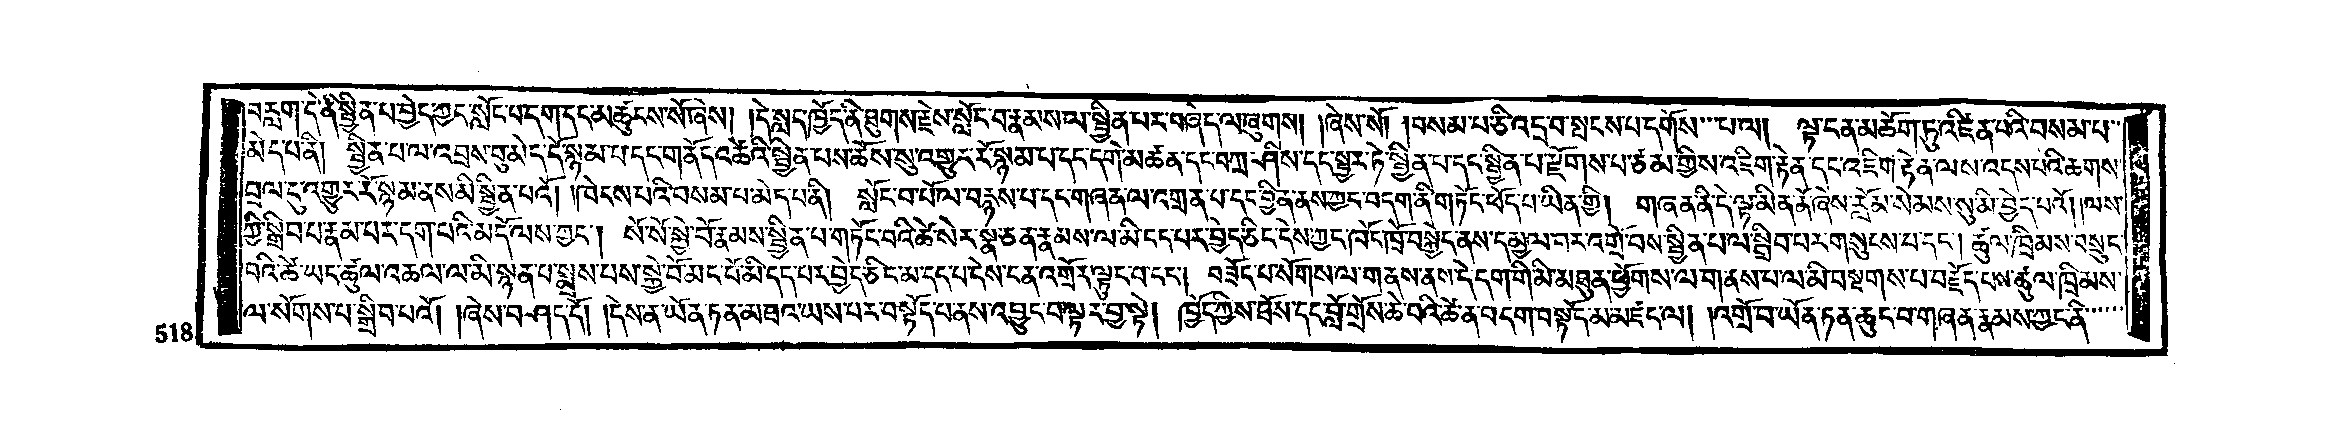བརླག་དེ་ནི་སྦྱིན་པ་བྱེད་ཀྱང་སློང་བདག་དང་མཚུངས་སོ་ཞེས། །དེ་སླད་ཁྱོད་ནི་ཐུགས་རྗེས་སློང་བ་རྣམས་ལ་སྦྱིན་པར་བཞེད་ལ་ཞུགས། །ཞེས་སོ། །བསམ་པ་ཅི་འདྲ་བ་སྤངས་པ་དགོས་པ་ལ། ལྟ་ངན་མཆོག་ཏུ་འཛིན་པའི་བསམ་པ་
མེད་པ་ནི། སྦྱིན་པ་ལ་འབྲས་བུ་མེད་དོ་སྙམ་པ་དང་གནོད་འཚོའི་སྦྱིན་པས་ཆོས་སུ་འགྱུར་རོ་སྙམ་པ་དང་དགེ་མཚན་དང་བཀྲ་ཤིས་དང་སྦྱར་ཏེ་སྦྱིན་པ་དང་སྦྱིན་པ་རྫོགས་པ་ཙམ་གྱིས་འཇིག་རྟེན་དང་འཇིག་རྟེན་ལས་འདས་པའི་ཆགས་
བྲལ་དུ་འགྱུར་རོ་སྙམ་ནས་མི་སྦྱིན་པའོ། །ཁེངས་པའི་བསམ་པ་མེད་པ་ནི། སློང་བ་པོ་ལ་བརྙས་པ་དང་གཞན་ལ་འགྲན་པ་དང་བྱིན་ནས་ཀྱང་བདག་ནི་གཏོང་ཕོད་པ་ཡིན་གྱི། གཞན་ནི་དེ་ལྟ་མིན་ནོ་ཞེས་རློམ་སེམས་སུ་མི་བྱེད་པའོ། །ལས་
ཀྱི་སྒྲིབ་པ་རྣམ་པར་དག་པའི་མདོ་ལས་ཀྱང་། སོ་སོ་སྐྱེ་བོ་རྣམས་སྦྱིན་པ་གཏོང་བའི་ཆེ་སེར་སྣ་ཅན་རྣམས་ལ་མི་དད་པར་བྱེད་ཅིང་དེས་ཀྱང་ཁོང་ཁྲོ་བསྐྱེད་ནས་དམྱལ་བར་འགྲོ་བས་སྦྱིན་པ་ལ་སྒྲིབ་པར་གསུངས་པ་དང་། ཚུལ་ཁྲིམས་བསྲུང་
བའི་ཚེ་ཡང་ཚུལ་འཆལ་ལ་མི་སྙན་པ་སྨྲས་པས་སྐྱེ་བོ་མང་པོ་མི་དད་པར་བྱེད་ཅིང་མ་དད་པ་དེས་ངན་འགྲོར་ལྟུང་བ་དང་། བཟོད་པ་སོགས་ལ་གནས་ནས་དེ་དག་གི་མི་མཐུན་ཕྱོགས་ལ་གནས་པ་ལ་མི་བསྔགས་པ་བརྗོད་པའི་ཚུལ་ཁྲིམས་
ལ་སོགས་པ་སྒྲིབ་པའོ། །ཞེས་བཤད་དོ། །དེས་ན་ཡོན་ཏན་མཐའ་ཡས་པར་བསྟོད་པ་ནས་འབྱུང་བ་ལྟར་བྱ་སྟེ། ཁྱོད་ཀྱིས་ཐོས་དང་བློ་གྲོས་ཆེ་བའི་ཚེ་ན་བདག་བསྟོད་མ་མཛད་ལ། །འགྲོ་བ་ཡོན་ཏན་ཆུང་བ་གཞན་རྣམས་ཀྱང་ནི་